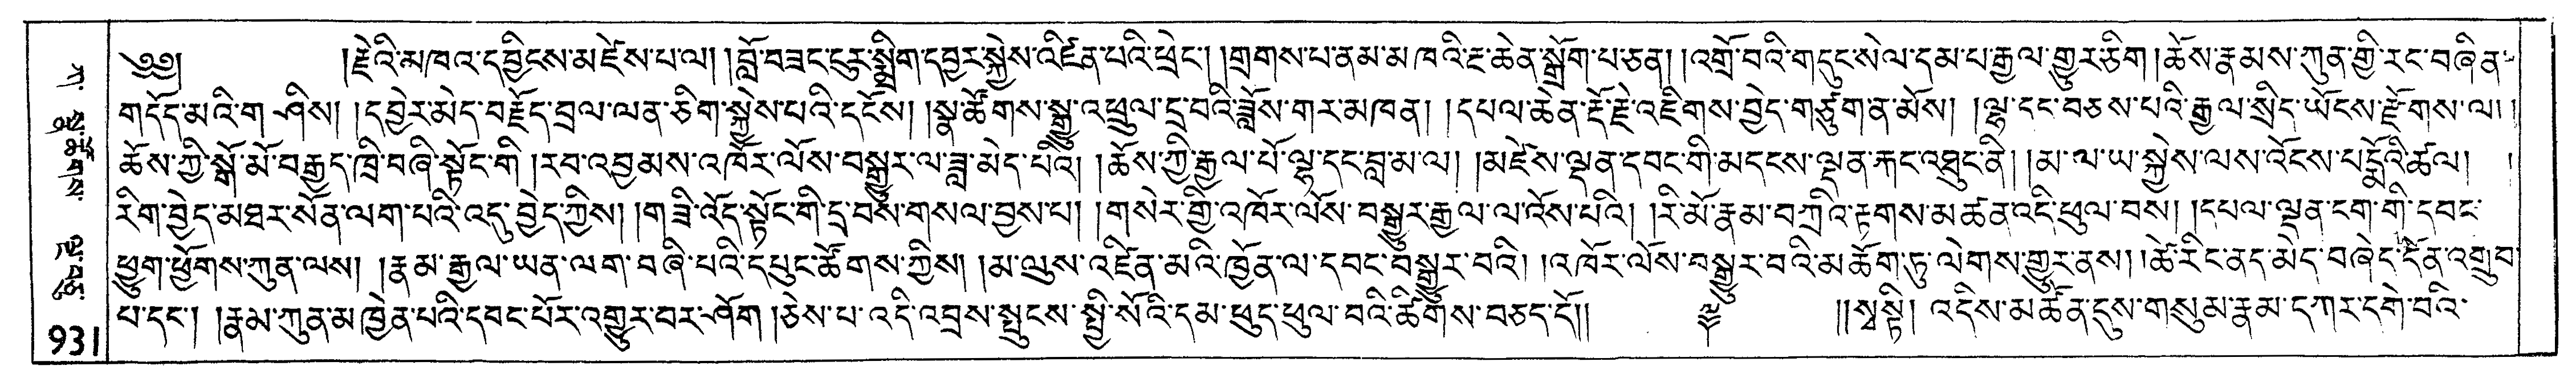༄༅། །རྗེའི་མཁའ་དབྱིངས་མཛེས་པ་ལ། །བློ་བཟང་ངུར་སྨྲིག་དབྱར་སྐྱེས་འཛིན་པའི་ཕྲེང་། །གྲགས་པ་ནམ་མཁའི་རྔ་ཆེན་སྒྲོག་པ་ཅན། །འགྲོ་བའི་གདུང་སེལ་དམ་པ་རྒྱལ་གྱུར་ཅིག །ཆོས་རྣམས་ཀུན་གྱི་རང་བཞིན་
གདོད་མའི་གཤིས། །དབྱེར་མེད་བརྗོད་བྲལ་ལན་ཅིག་སྐྱེས་པའི་དངོས། །སྣ་ཚོགས་སྒྱུ་འཕྲུལ་དྲ་བའི་ཟློས་གར་མཁན། །དཔལ་ཆེན་རྡོ་རྗེ་འཇིགས་བྱེད་གཙུག་ན་མོས། །ལྷ་དང་བཅས་པའི་རྒྱལ་སྲིད་ཡོངས་རྫོགས་ལ། །
ཆོས་ཀྱི་སྒོ་མོ་བརྒྱད་ཁྲི་བཞི་སྟོང་གི །རབ་འབྱམས་འཁོར་ལོས་བསྒྱུར་ལ་ཟླ་མེད་པའི། །ཆོས་ཀྱི་རྒྱལ་པོ་ལྷ་དང་བླ་མ་ལ། །མཛེས་ལྡན་དབང་གི་མདངས་ལྡན་རྐང་འཐུང་ནི། །མ་ལ་ཡ་སྐྱེས་ལས་འོངས་པདམོའི་ཚལ། །
རིག་བྱེད་མཐར་སོན་ལག་པའི་འདུ་བྱེད་ཀྱིས། །བཟི་འོད་སྟོང་གི་དྲ་བས་གསལ་བྱས་པ། །གསེར་གྱི་འཁོར་ལོས་བསྒྱུར་རྒྱལ་ལ་འོས་པའི། །རི་རོ་རྣམ་བཀྲའི་རྟགས་མཚན་འདི་ཕུལ་བས། །དཔལ་ལྡན་ངག་གི་དབང་
ཕྱུག་ཕྱོགས་ཀུན་ལས། །རྣམ་རྒྱལ་ཡན་ལག་བཞི་པའི་དཔུང་ཚོགས་ཀྱིས། །མ་ལུས་འཛིན་མའི་ཁྱོན་ལ་དབང་བསྒྱུར་བའི། །འཁོར་ལོས་བསྒྱུར་བའི་མཆོག་ཏུ་ལེགས་གྱུར་ནས། །ཚེ་རིང་ནད་མེད་བཞེད་དོན་འགྲུབ་
པ་དང་། །རྣམ་ཀུན་མཁྱེན་པའི་དབང་པོར་འགྱུར་བར་ཤོག །ཅེས་པ་འདི་འབྲས་སྤུངས་སྤྱི་སོའི་དམ་ཕུད་ཕུལ་བའི་ཚིགས་བཅད་དོ།། ༈ །།སྭསྟི། འདིས་མཚོན་དུས་གསུམ་རྣམ་དཀར་དགེ་བའི་